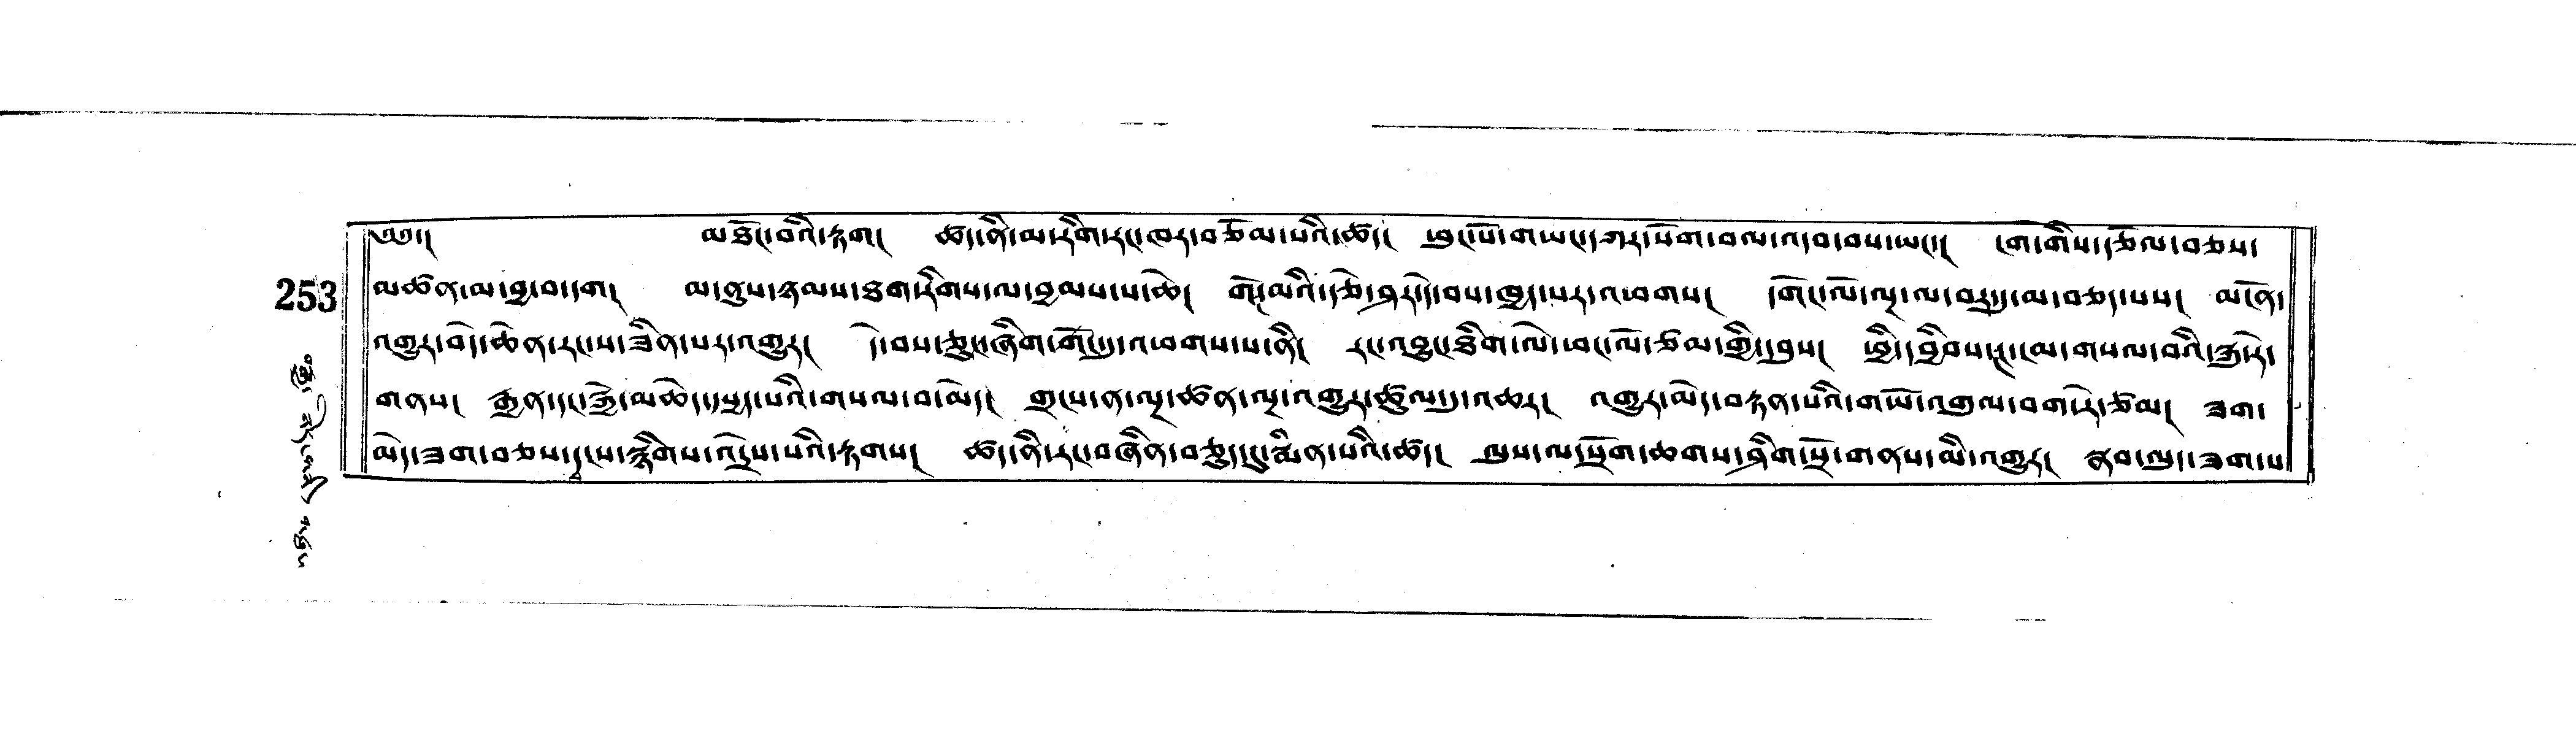མཐོང་བའི་རྟགས། ཚད་ནི་མ་རིག་རང་ཁར་བཅོལ་བའི་ཚད། ཕུང་པོ་གཡང་དཀར་སོག་བལ་འདབ་བས་ཡང་། ངག་གི་རྩོལ་བཅས་
མཚན་མ་བྱ་བ་དག མ་ནུས་ཉམ་ཐག་རིགས་ལ་བྱམས་པ་ཆེ། གོང་མའི་རྩེ་ཤར་དེ་བས་ཁྱད་པར་འཕགས། དགོང་ལོ་ལྔ་ལ་བར་དུ་མ་བཅད་པས། མངོན་
གྱུར་བདེ་ཆེན་རང་ས་ཟིན་པར་འགྱུར། དེ་བས་ཅུང་ཞིག་གོང་དུ་འཕགས་པ་ནི། རང་འབྱུང་ཐིག་ལེ་འཕང་ལོ་ཙམ་གྱི་དབུས། ཕྱི་དབྱིབས་ངང་ངམ་གསལ་བའི་སྐུ་རུ་
གནས། རྒྱན་དང་སྐྱེ་མཆེད་དཔྱད་པའི་གསལ་བ་མེད། གྲངས་ན་ལྔ་ཚན་ལྔ་འགྱུར་ཚུལ་དུ་འཆར། འགྱུར་མེད་བརྟན་པའི་གཡོ་འགུལ་བག་རེ་ཙམ། ཟག་
མེད་ཟང་བཅས་དྭངས་སྙིགས་འདྲེས་པའི་རྟགས། ཚད་ནི་རང་བཞིན་བཅུད་དུ་སྨིན་པའི་ཚད། ལུས་ལ་སྲོག་ཆགས་ཤིག་སྲོ་གནས་མི་འགྱུར། སྣབ་ལུད་ཟག་པ་